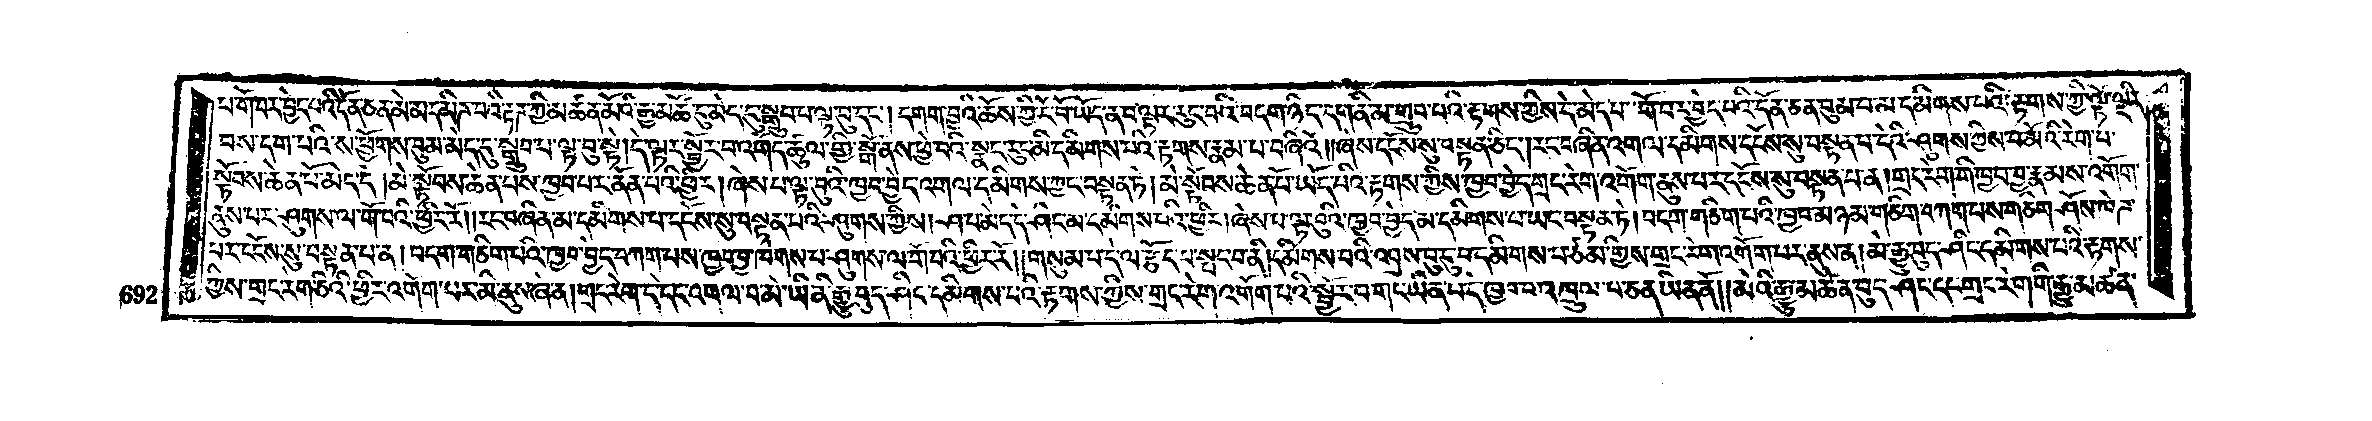པ་གོ་བར་བྱེད་པའི་དོན་ཅན་མེ་མ་དམིགས་པའི་རྟགས་ཀྱི་མཚན་མོའི་རྒྱ་མཚོ་དུ་མེད་དུ་སྒྲུབ་པ་ལྟ་བུ་དང་། དགག་བྱའི་ཆོས་ཀྱི་ངོ་བོ་ཡོད་ན་བལྟར་རུང་བའི་བདག་ཉིད་དག་ནི་མ་གྲུབ་པའི་རྟགས་ཀྱིས་དེ་མེད་པ་གོ་བར་བྱེད་པའི་དོན་ཅན་བུམ་པ་མ་དམིགས་པའི་རྟགས་ཀྱི་ལྟོ་ལྡིར་
བས་དག་པའི་ས་ཕྱོགས་བུམ་མེད་དུ་སྒྲུབ་པ་ལྟ་བུ་སྟེ། དེ་ལྟར་སྦྱོར་བ་འགོད་ཚུལ་གྱི་སྒོ་ནས་ཕྱེ་བའི་སྣང་རུང་མི་དམིགས་པའི་རྟགས་རྣམ་པ་བཞིའོ། །ཞེས་དངོས་སུ་བསྟན་ཅིང་། རང་བཞིན་འགལ་དམིགས་དངོས་སུ་བསྟན་པ་དེའི་ཤུགས་ཀྱིས་བ་མོའི་རེག་པ་
སྟོབས་ཆེན་པོ་མེད་དེ། མེ་སྟོབས་ཆེན་པོས་ཁྱབ་པར་ནོན་པའི་ཕྱིར། ཞེས་པ་ལྟ་བུའི་ཁྱབ་བྱེད་འགལ་དམིགས་ཀྱང་བསྟན་ཏེ། མེ་སྟོབས་ཆེན་པོ་ཡོད་པའི་རྟགས་ཀྱིས་ཁྱབ་བྱེད་གྲང་རེག་འགོག་ནུས་པར་དངོས་སུ་བསྟན་པ་ན། གྲང་རེག་གི་ཁྱབ་བྱ་རྣམས་འགོག་
ནུས་པར་ཤུགས་ལ་གོ་བའི་ཕྱིར་རོ། །རང་བཞིན་མ་དམིགས་པ་དངོས་སུ་བསྟན་པའི་ཤུགས་ཀྱིས། ཤ་པ་མེད་དེ་ཤིང་མ་དམིགས་པའི་ཕྱིར། ཞེས་པ་ལྟ་བུའི་ཁྱབ་བྱེད་མ་དམིགས་པ་ཡང་བསྟན་ཏེ། བདག་གཅིག་པའི་ཁྱབ་མཉམ་གཅིག་བཀག་པས་གཅིག་ཤོས་ཁེགས་
པར་དངོས་སུ་བསྟན་པ་ན། བདག་གཅིག་པའི་ཁྱབ་བྱེད་བཀག་པས་ཁྱབ་བྱ་ཁེགས་པ་ཤུགས་ལ་གོ་བའི་ཕྱིར་རོ། །གསུམ་པ་དེ་ལ་རྩོད་པ་སྤང་བ་ནི། དམིགས་པའི་འབྲས་བུ་དུ་བ་དམིགས་པ་ཙམ་གྱིས་གྲང་རེག་འགོག་པར་ནུས་ན། མེ་རྒྱུ་བུད་ཤིང་དམིགས་པའི་རྟགས་
ཀྱིས་གྲང་རེག་ཅིའི་ཕྱིར་འགོག་པར་མི་ནུས་ཞེ་ན། གྲང་རེག་དེ་དང་འགལ་བ་མེ་ཡི་ནི་རྒྱུ་བུད་ཤིང་དམིགས་པའི་རྟགས་ཀྱིས་གྲང་རེག་འགོག་པའི་སྦྱོར་བ་གང་ཡིན་པ་དེ་ཁྱབ་པ་འཁྲུལ་པ་ཅན་ཡིན་ནོ། །མེའི་རྒྱུ་མཚན་བུད་ཤིང་དང་གྲང་རེག་གི་རྒྱུ་མཚན་